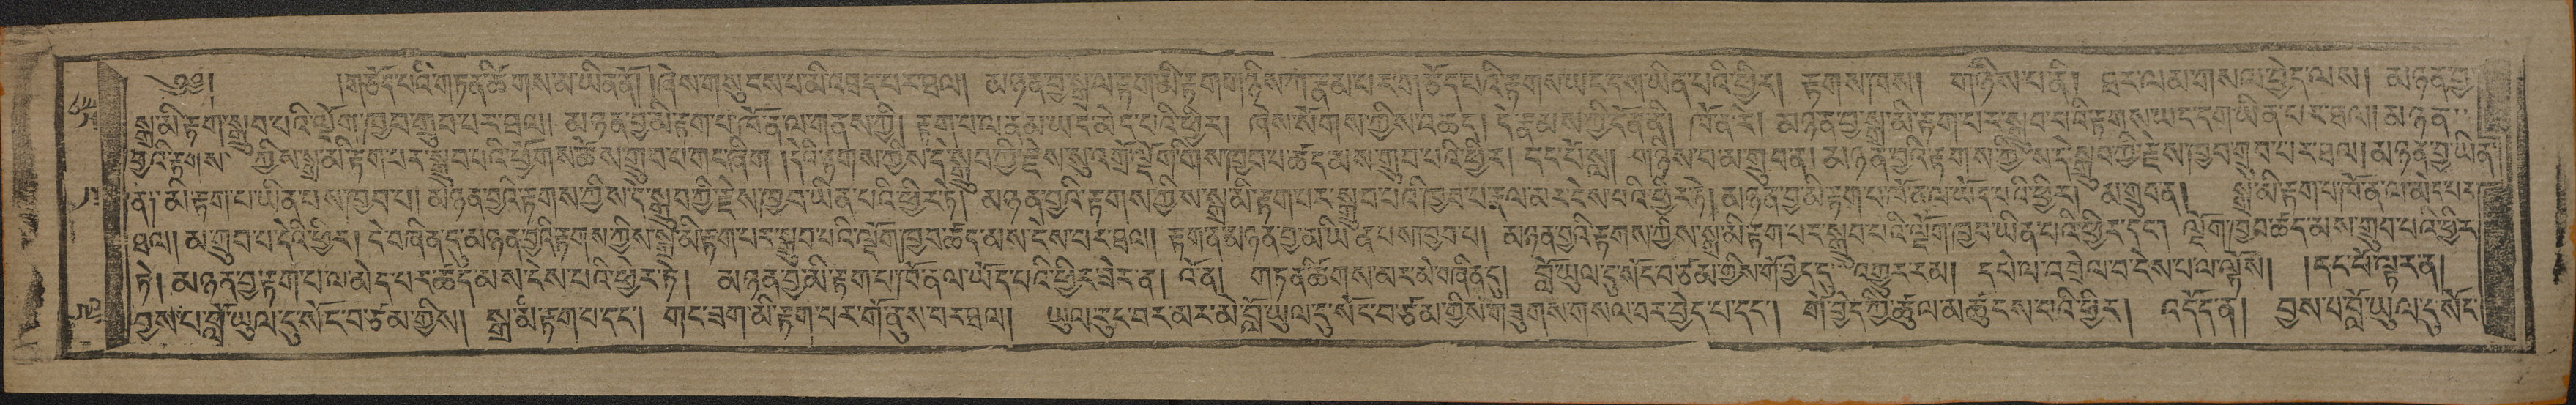༄༅། །གཅོད་པའི་གཏན་ཚིགས་མ་ཡིན་ནོ། །ཞེས་གསུངས་པ་མི་འཐད་པར་ཐལ། མཉན་བྱ་སྒྲ་ལ་རྟག་མི་རྟག་གཉིས་ཀ་རྣམ་པར་གཅོད་པའི་རྟགས་ཡང་དག་ཡིན་པའི་ཕྱིར། རྟགས་ཁས། གཉིས་པ་ནི། ཐར་ལམ་གསལ་བྱེད་ལས། མཉན་བྱ་
སྒྲ་མི་རྟག་སྒྲུབ་པའི་ལྡོག་ཁྱབ་གྲུབ་པར་ཐལ། མཉན་བྱ་མི་རྟག་པ་ཁོ་ན་ལ་གནས་ཀྱི། རྟག་པ་ལ་ནམ་ཡང་མེད་པའི་ཕྱིར། ཞེས་སོགས་ཀྱིས་འཆད། དེ་རྣམས་ཀྱི་དོན་ནི། ཁོ་ན་རེ། མཉན་བྱ་སྒྲ་མི་རྟག་པར་སྒྲུབ་པའི་རྟགས་ཡང་དག་ཡིན་པར་ཐལ། མཉན་
བྱའི་རྟགས་ཀྱིས་སྒྲ་མི་རྟག་པར་སྒྲུབ་པའི་ཕྱོགས་ཆོས་གྲུབ་པ་གང་ཞིག །དེའི་རྟགས་ཀྱིས་དེ་སྒྲུབ་ཀྱི་རྗེས་སུ་འགྲོ་ལྡོག་གིས་ཁྱབ་པ་ཚད་མས་གྲུབ་པའི་ཕྱིར། དང་པོ་སླ། གཉིས་པ་མ་གྲུབ་ན། མཉན་བྱའི་རྟགས་ཀྱིས་དེ་སྒྲུབ་ཀྱི་རྗེས་ཁྱབ་གྲུབ་པར་ཐལ། མཉན་བྱ་ཡིན་
ན། མི་རྟག་པ་ཡིན་པས་ཁྱབ་པ། མཉན་བྱའི་རྟགས་ཀྱིས་དེ་སྒྲུབ་ཀྱི་རྗེས་ཁྱབ་ཡིན་པའི་ཕྱིར་ཏེ། མཉན་བྱའི་རྟགས་ཀྱིས་སྒྲ་མི་རྟག་པར་སྒྲུབ་པའི་ཁྱབ་པ་རྣལ་མར་ངེས་པའི་ཕྱིར་ཏེ། མཉན་བྱ་མི་རྟག་པ་ཁོ་ན་ལ་ཡོད་པའི་ཕྱིར། མ་གྲུབ་ན། སྒྲ་མི་རྟག་པ་ཁོ་ན་ལ་མེད་པར་
ཐལ། མ་གྲུབ་པ་དེའི་ཕྱིར། དེ་བཞིན་དུ་མཉན་བྱའི་རྟགས་ཀྱིས་སྒྲ་མི་རྟག་པར་སྒྲུབ་པའི་ལྡོག་ཁྱབ་ཚད་མས་ངེས་པར་ཐལ། རྟག་ན་མཉན་བྱ་མ་ཡིན་པས་ཁྱབ་པ། མཉན་བྱའི་རྟགས་ཀྱིས་སྒྲ་མི་རྟག་པར་སྒྲུབ་པའི་ལྡོག་ཁྱབ་ཡིན་པའི་ཕྱིར་དང་། ལྡོག་ཁྱབ་ཚད་མས་གྲུབ་པའི་ཕྱིར་
ཏེ། མཉན་བྱ་རྟག་པ་ལ་མེད་པར་ཚད་མས་ངེས་པའི་ཕྱིར་ཏེ། མཉན་བྱ་མི་རྟག་པ་ཁོ་ན་ལ་ཡོད་པའི་ཕྱིར་ཟེར་ན། འོ་ན། གཏན་ཚིགས་མར་མེ་བཞིན་དུ། བློ་ཡུལ་དུ་སོང་བ་ཙམ་གྱིས་གོ་བྱེད་དུ་འགྱུར་རམ། དཔེ་ལ་འབྲེལ་བ་ངེས་པ་ལ་ལྟོས། །དང་པོ་ལྟར་ན།
བྱས་པ་བློ་ཡུལ་དུ་སོང་བ་ཙམ་གྱིས། སྒྲ་མི་རྟག་པ་དང་། གང་ཟག་མི་རྟག་པར་གོ་ནུས་པར་ཐལ། ཡུལ་རུང་བར་མར་མེ་བློ་ཡུལ་དུ་སོང་བ་ཙམ་གྱིས་གཟུགས་གསལ་བར་བྱེད་པ་དང་། གོ་བྱེད་ཀྱི་ཚུལ་མཚུངས་པའི་ཕྱིར། འདོད་ན། བྱས་པ་བློ་ཡུལ་དུ་སོང་